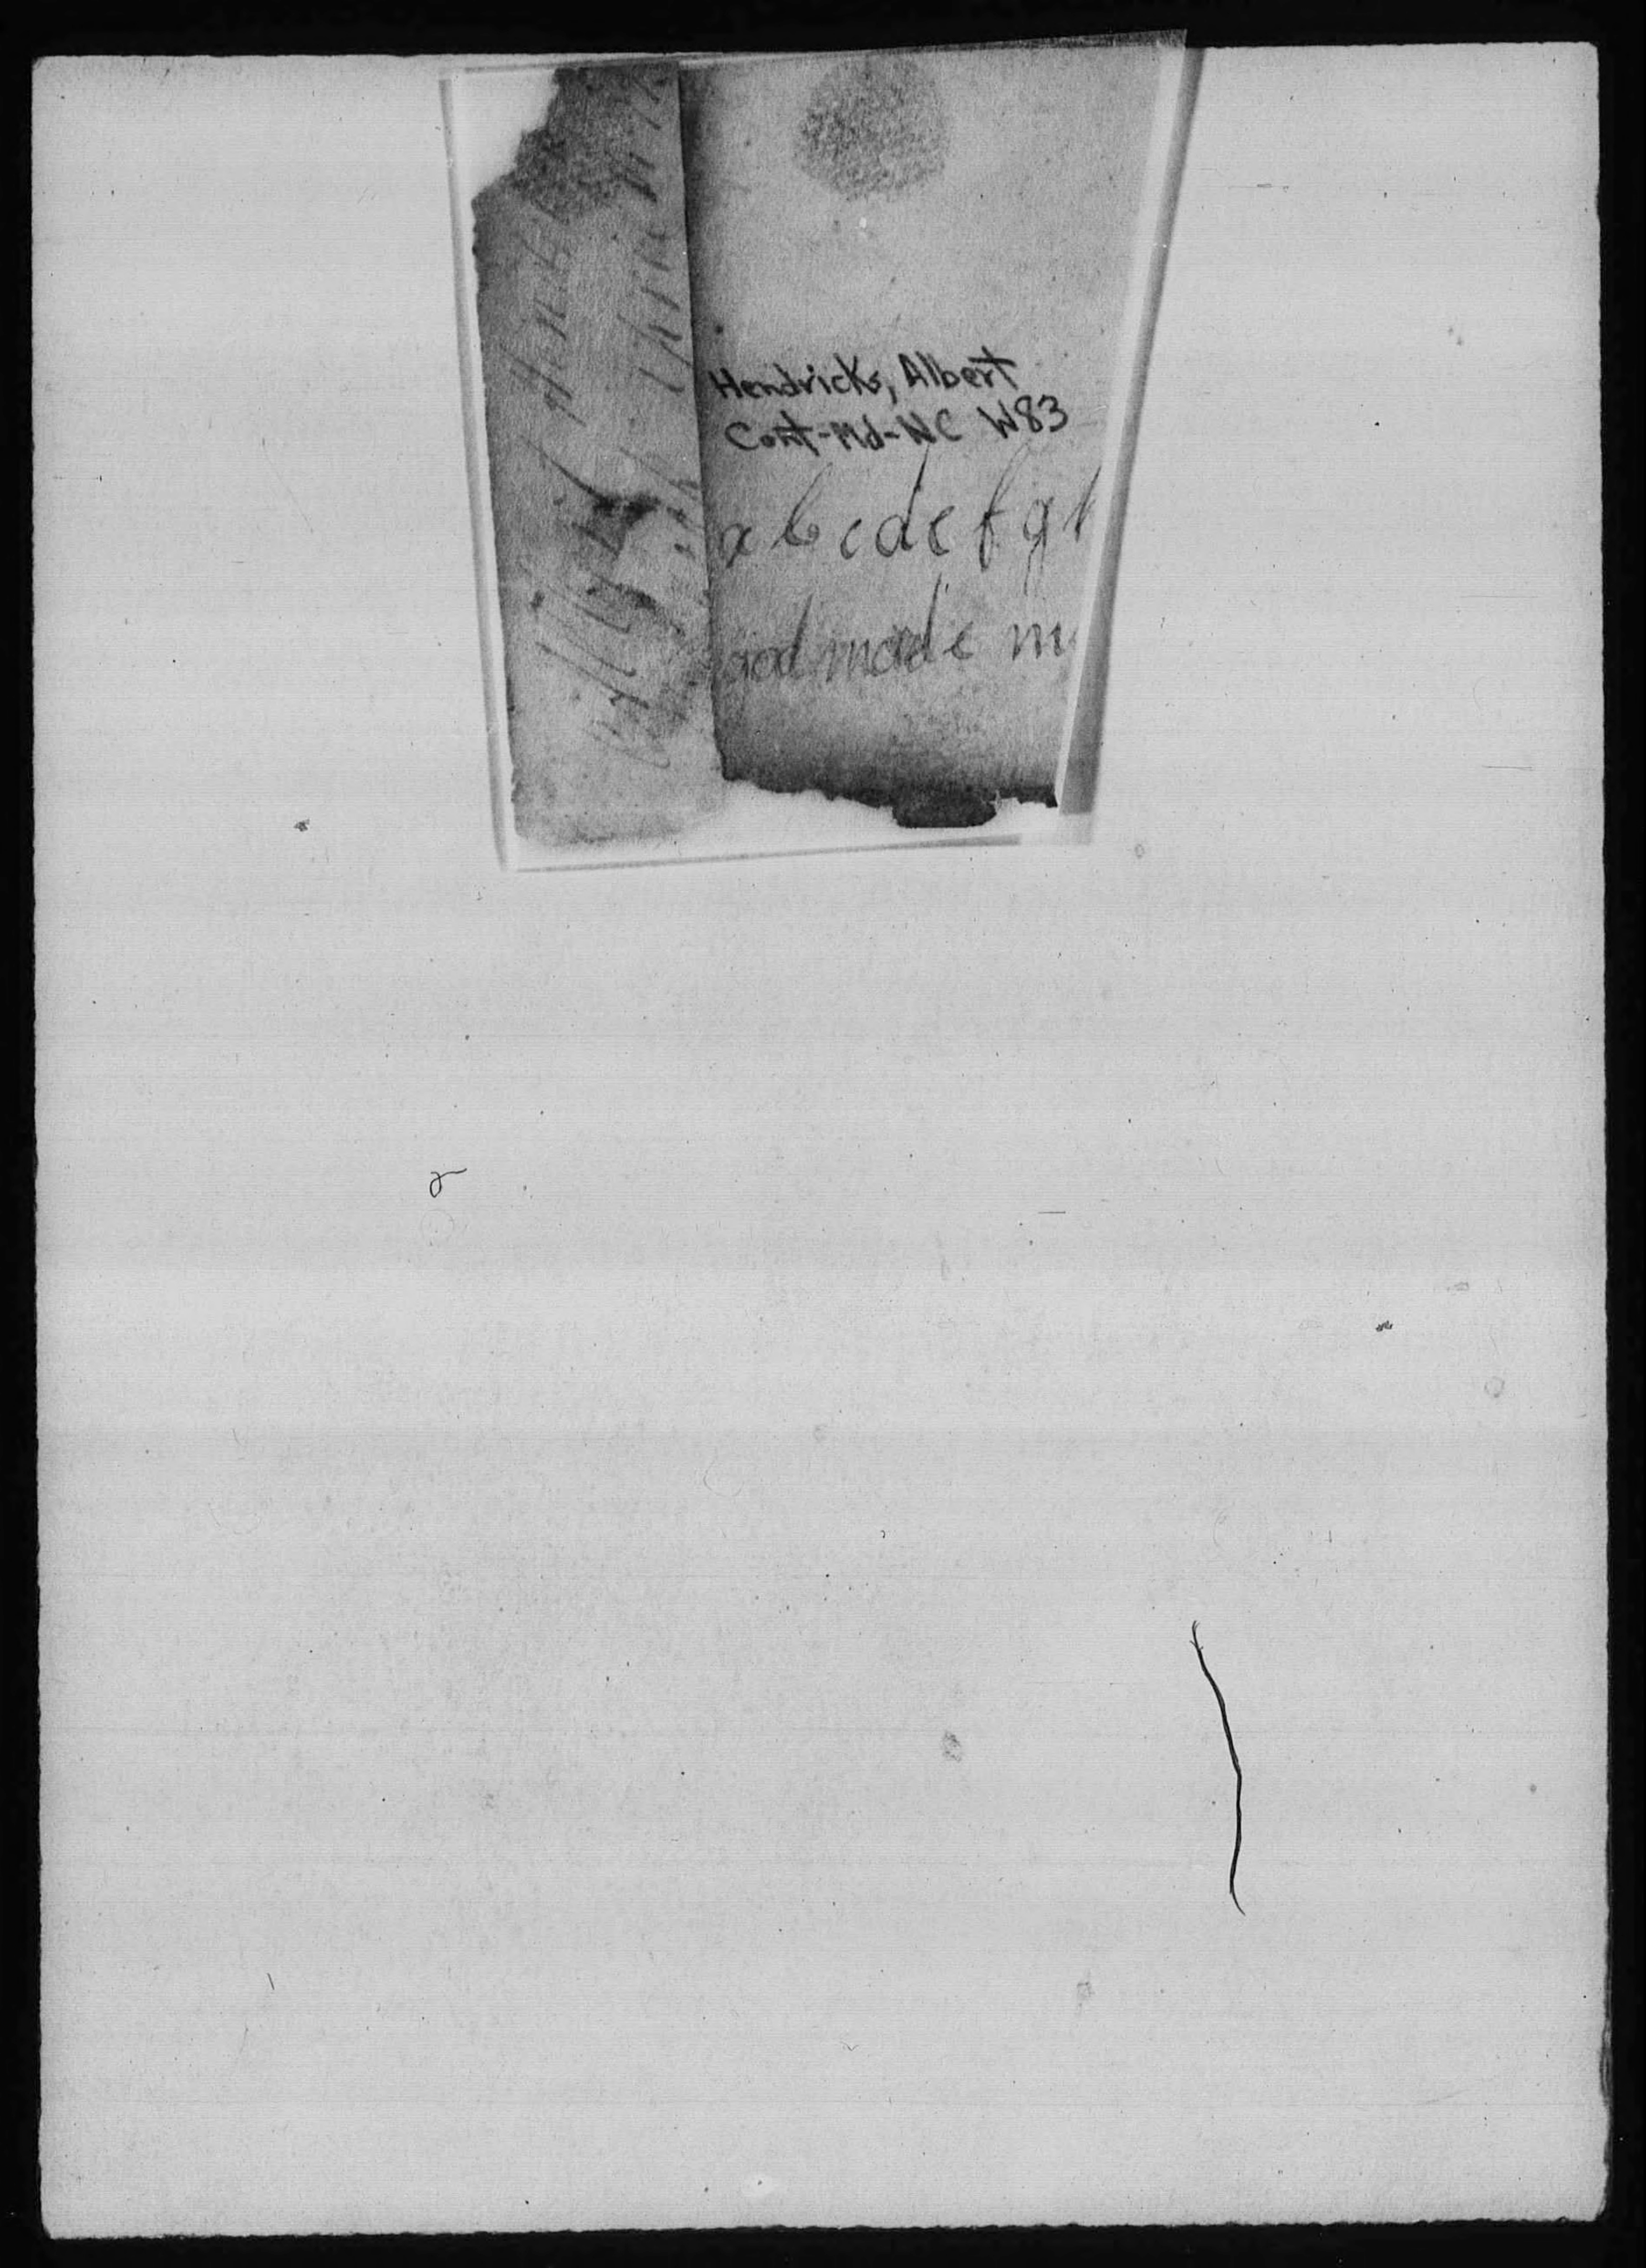Hendricks, Albert
Cont-Md-NC  W83

abcdefg [illegible]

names: Albert Hendricks, Albert Hendricks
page: 4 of 76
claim: widow's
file: W. 83, Albert Hendricks, Continental Md. N.C.